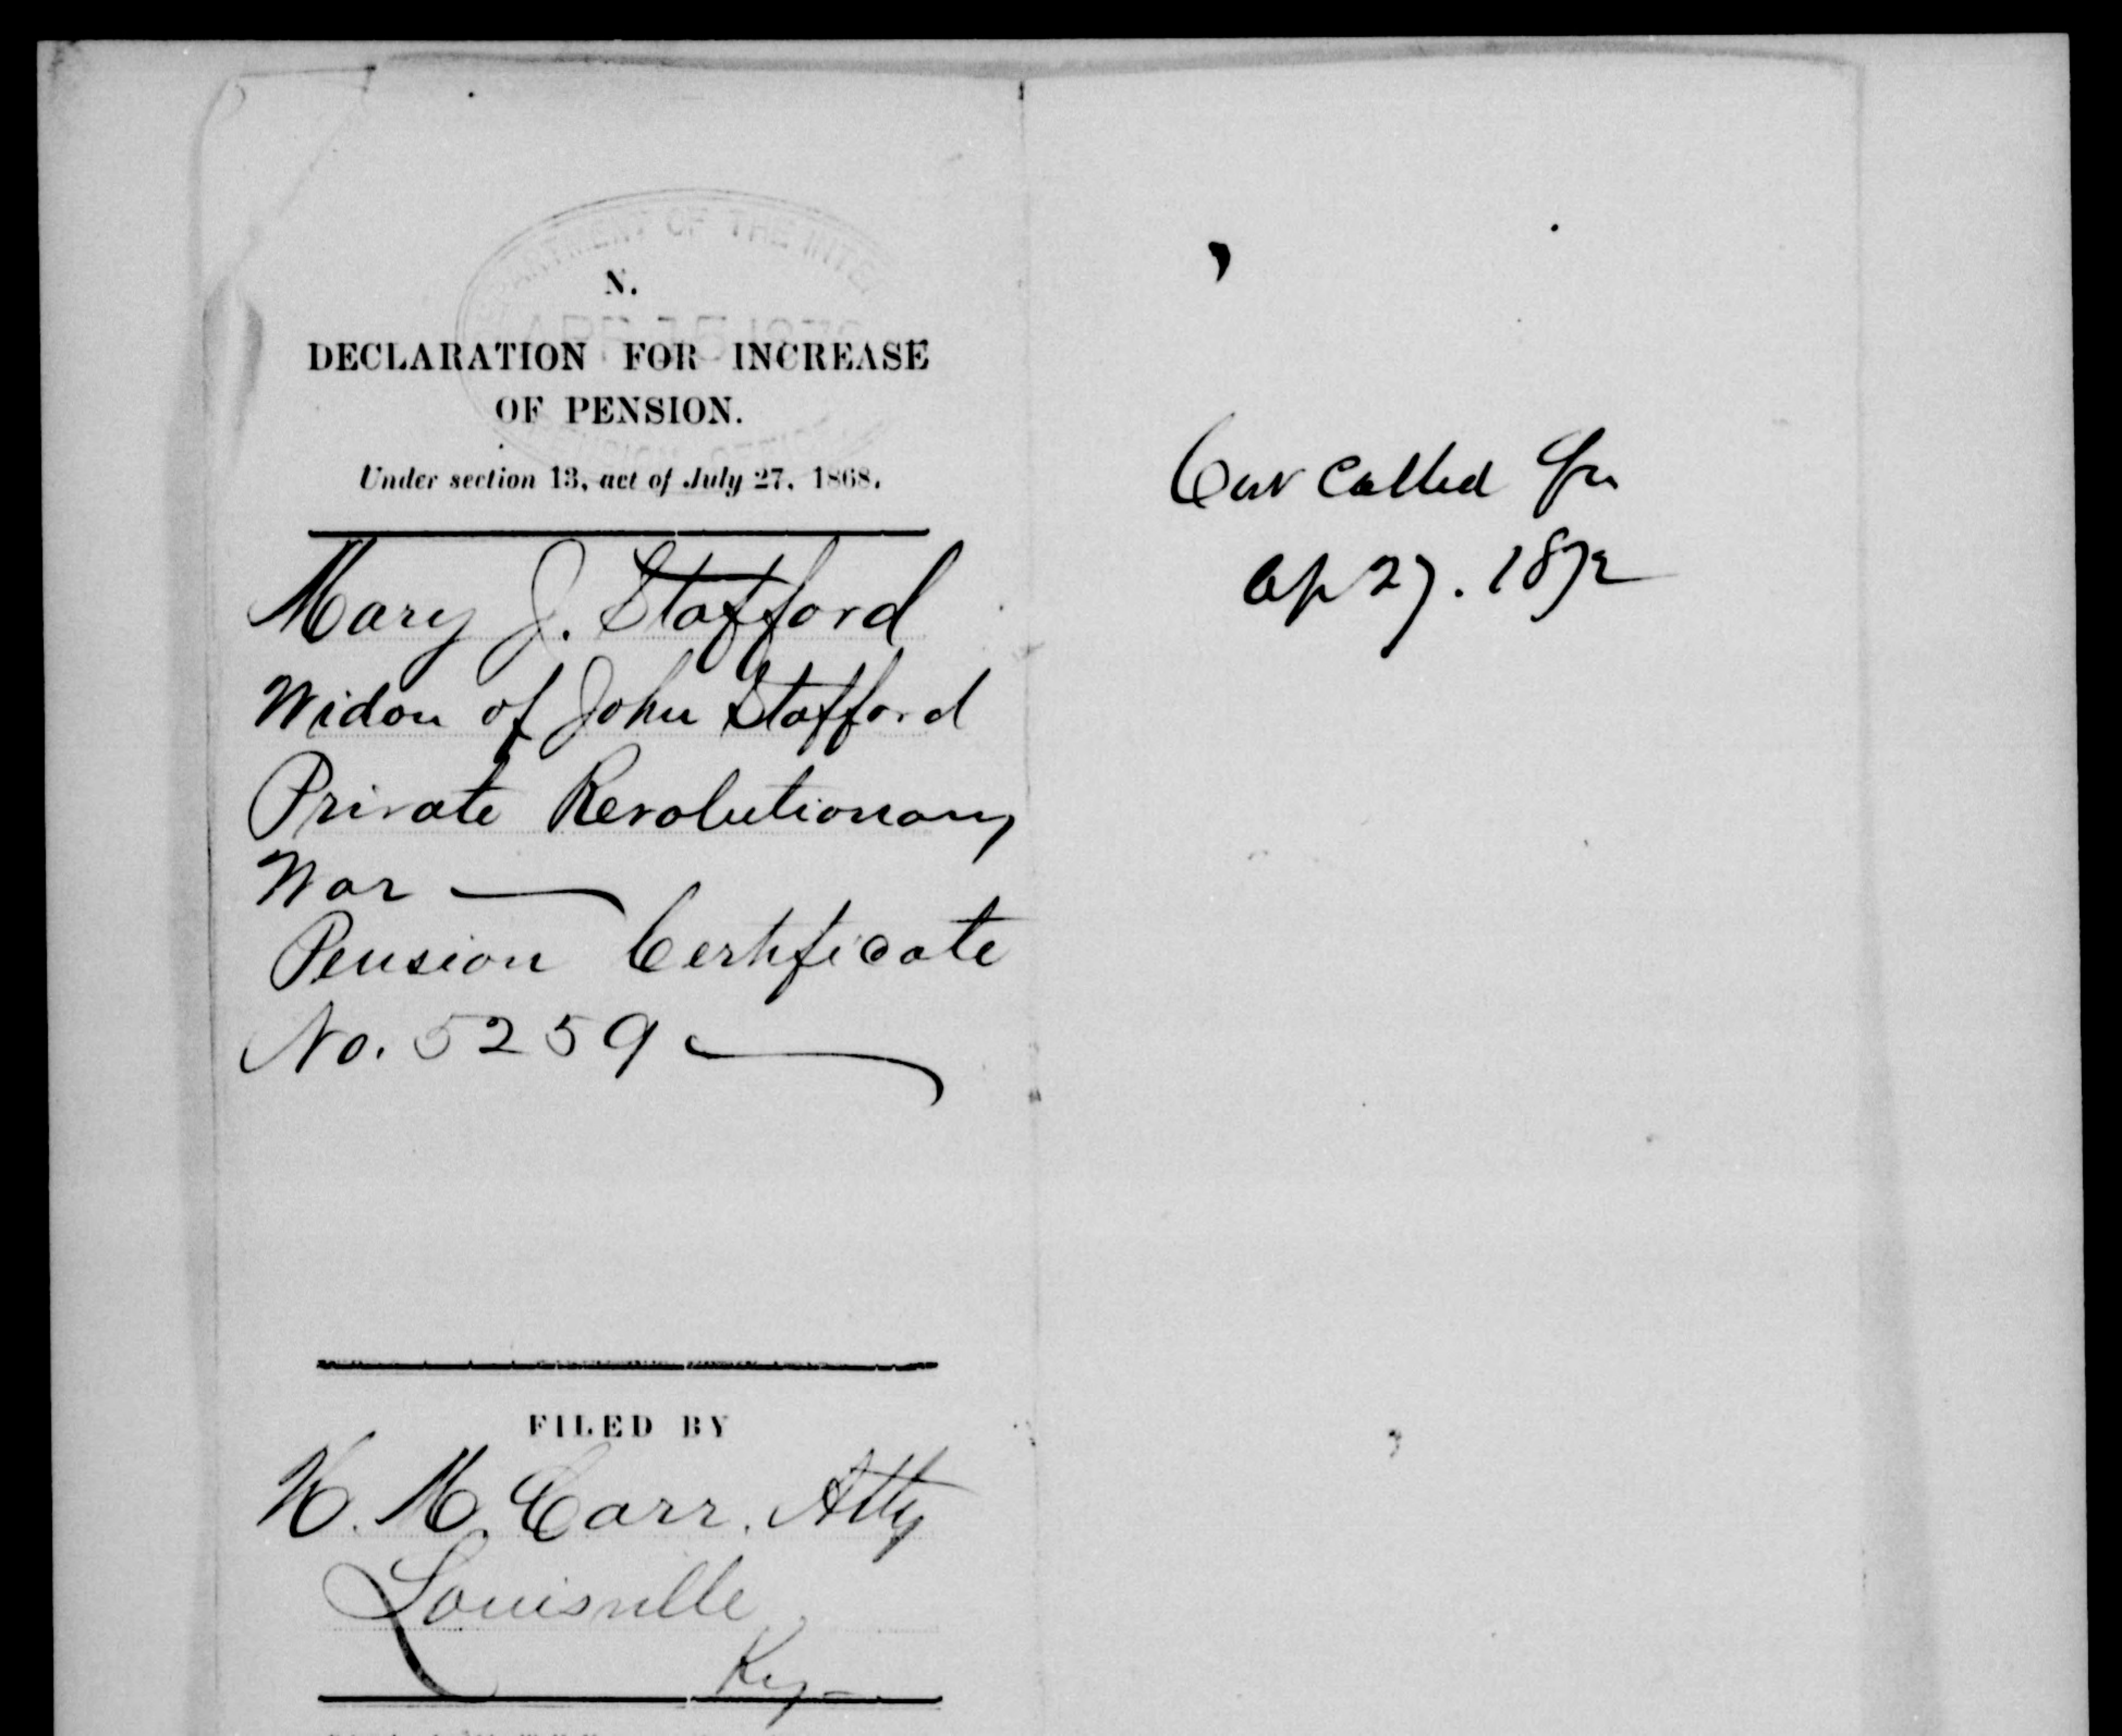[DEPARTMENT OF THE INTERIOR
STAMP HERE]

N.

DECLARATION FOR INCREASE OF PENSION
Under section 13, act of July 27, 1868
										
Mary J Stafford
Widow of John Stafford
Private Revolutionary
War————-
Pension Certificate
No 5259


										

FILED BY
H. M. Carr, Atty
Louisville
		KY

										

[half page next]

Car[?[ called for 
Ap 27, 1872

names: John Stafford; Mary J Stafford; H M Carr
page: 30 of 61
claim: widow's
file: W. 11554, for John Stafford, Maryland